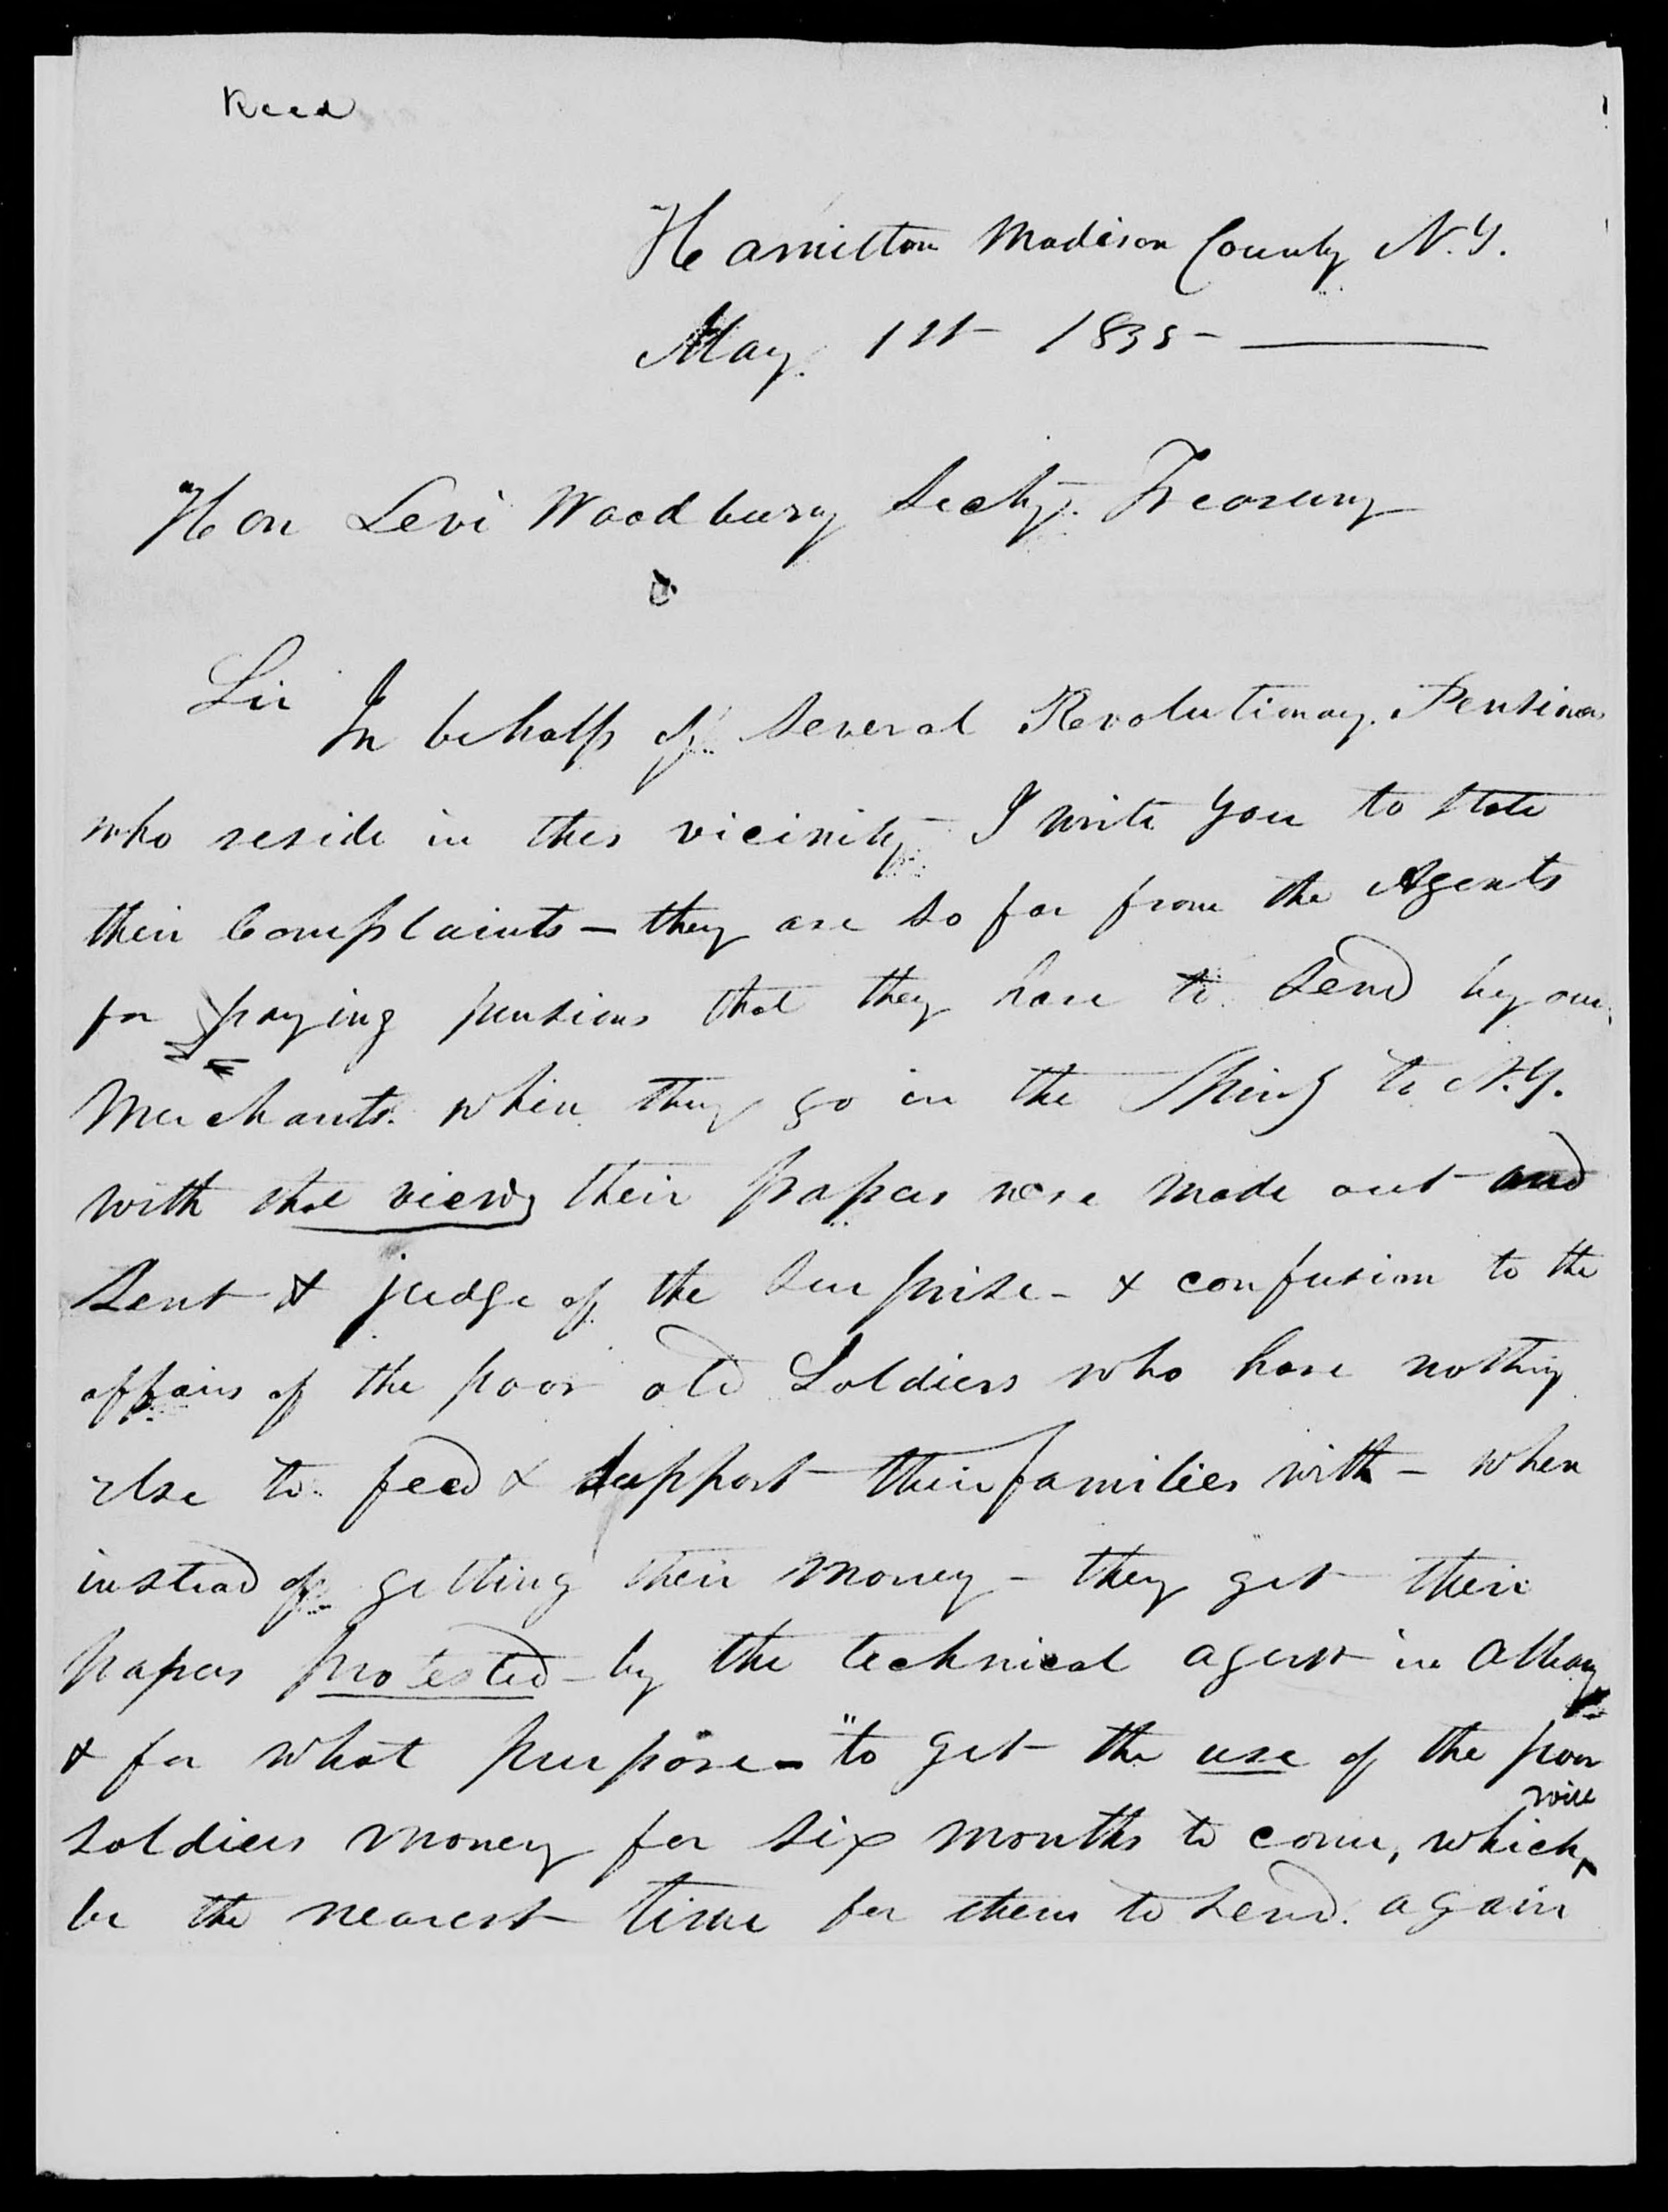Recd
Hamilton Madison County N.Y.
May 1st 1835
Hon Levi Woodbury Secty Treasury

Sir
In behalf of Several Revolutionary Pensioners who reside in this vicinity I write you to state
their complaints they are so far from the Agents
for paying pensions that they have to send by our
Merchants when they go in the [illegible] to N.Y.
with the view their papers  were made out and sent & judge of the surprise and confusion to the affairs of the poor old soldiers who have nothing else to feed & support their families with, when instead of getting their money, they get their papers protested by the technical agent in Albany & for what purposes to get the use of the poor soldiers money for six months to come, which will be the nearest time for them to send again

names: Levi Woodburg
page: 28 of 37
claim: widow's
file: W. 20,787, Daniel Brown, Conn. Navy.